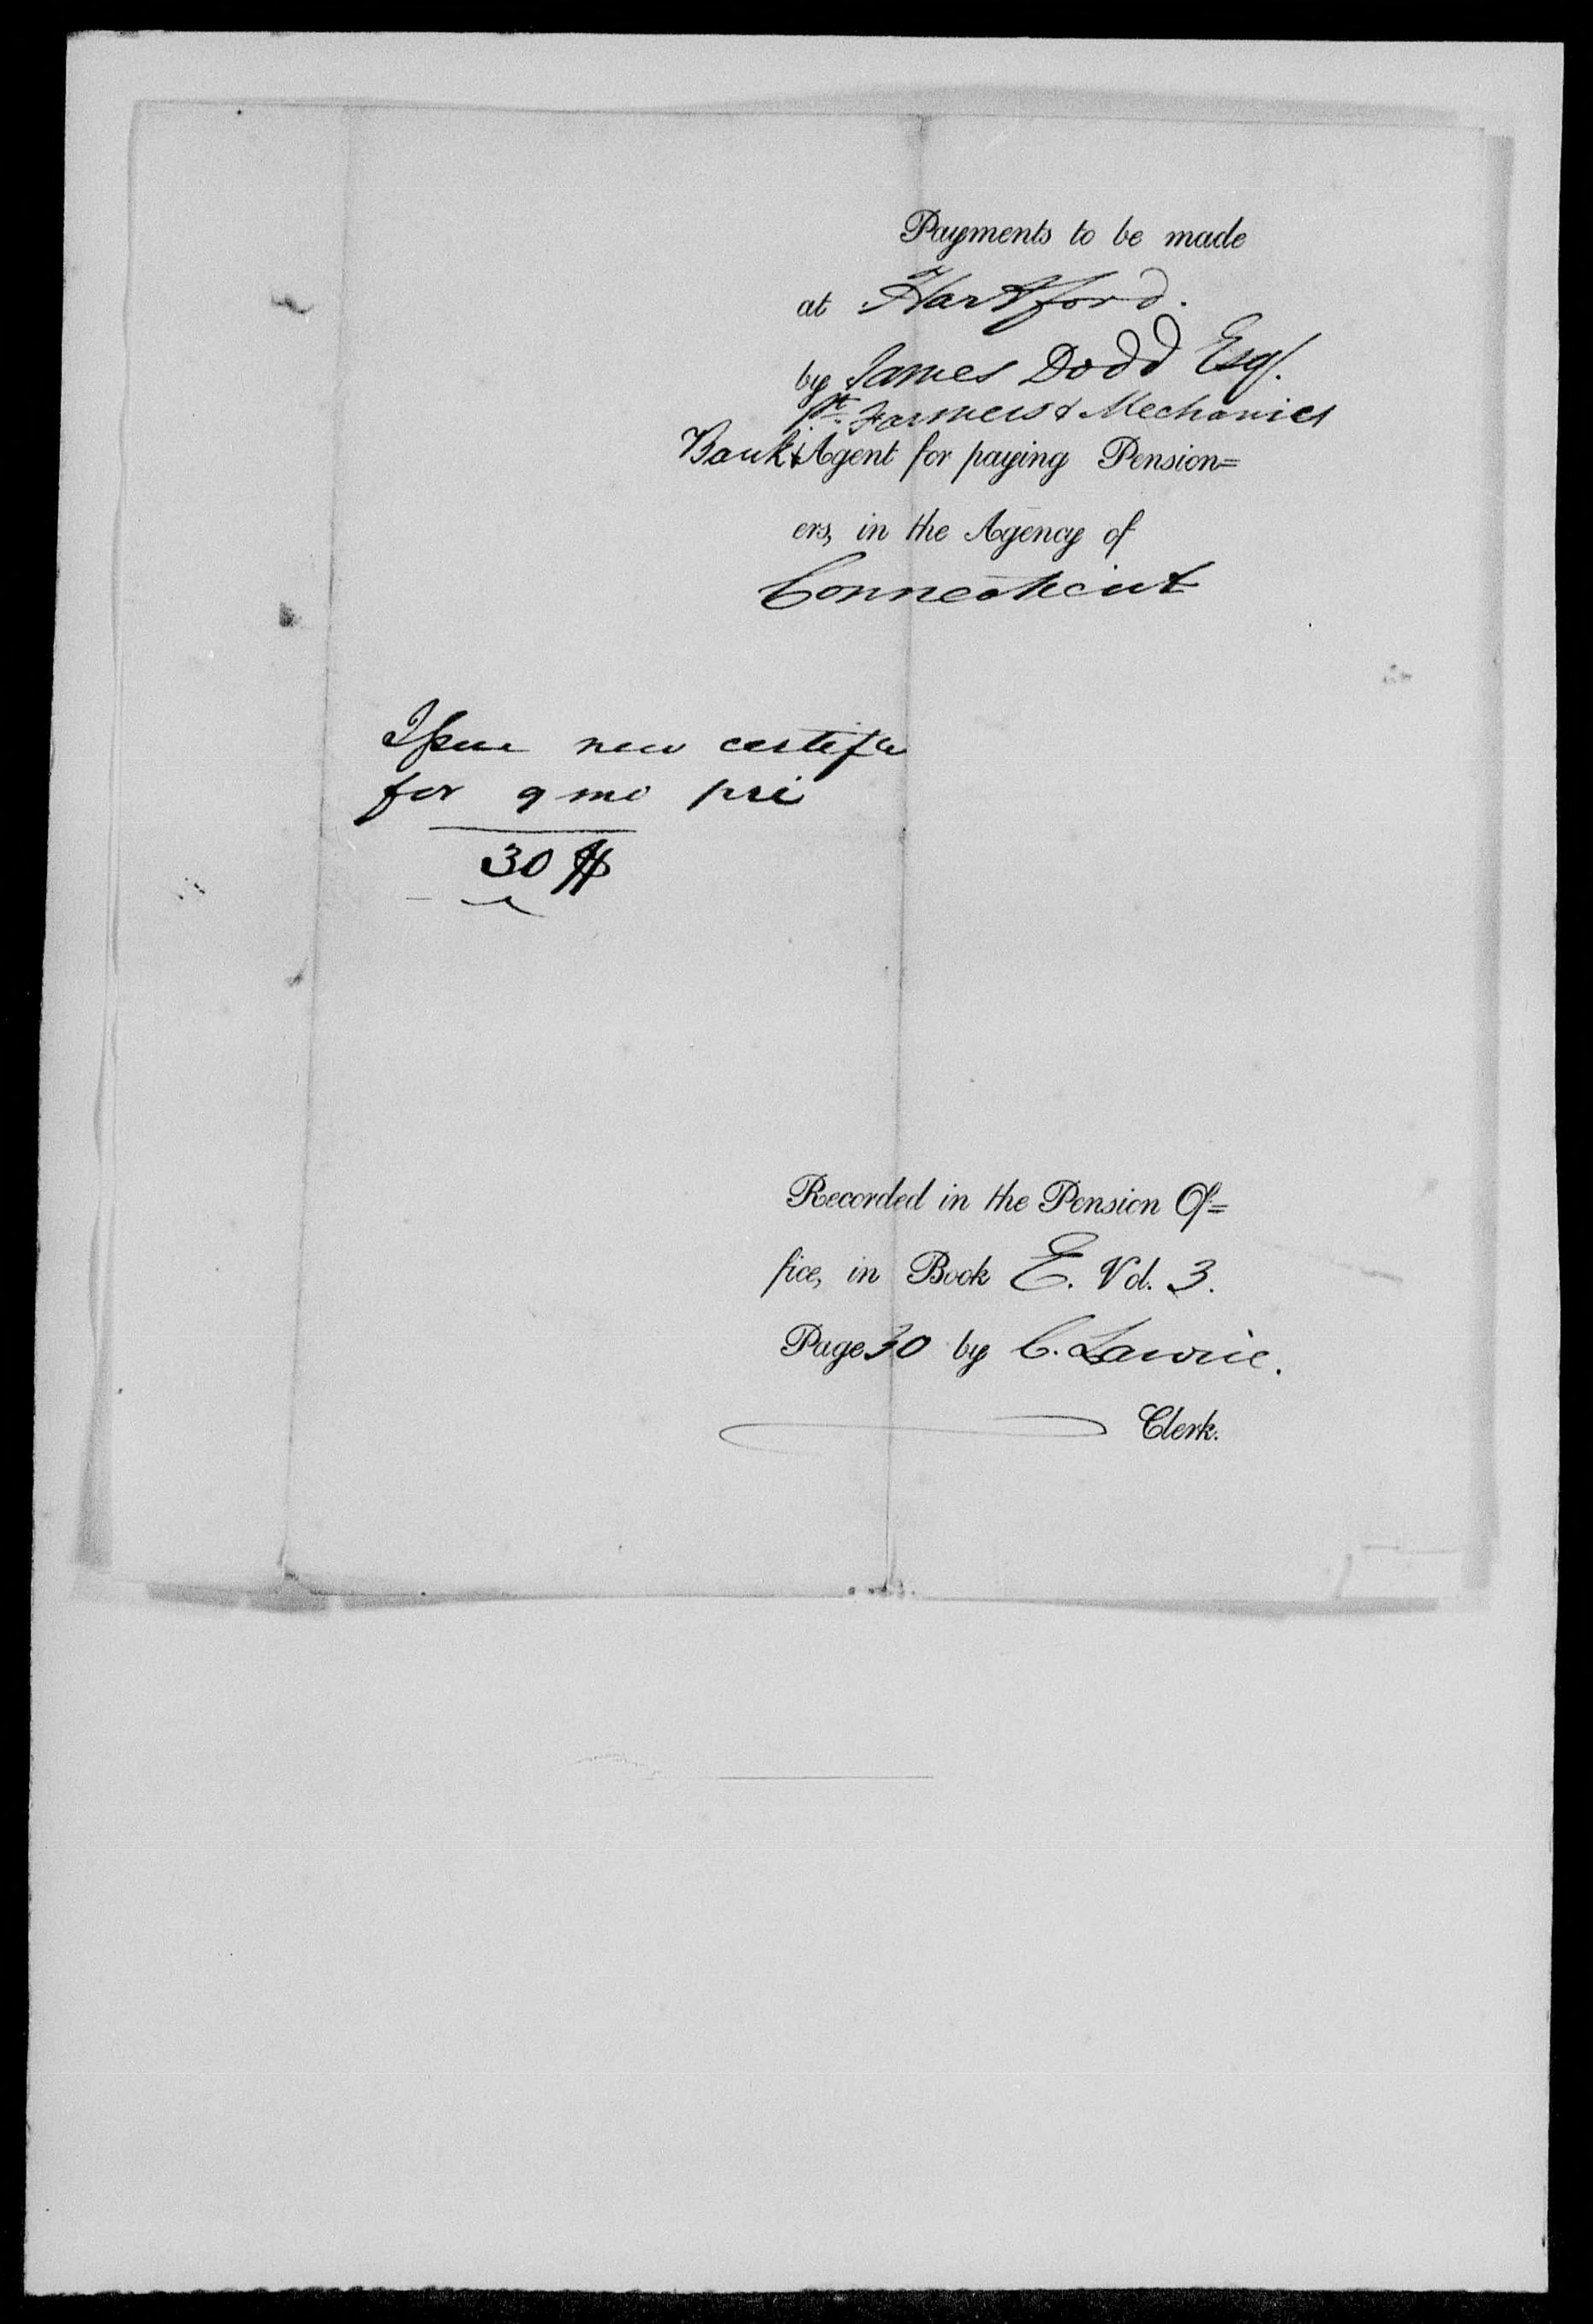Payments to be made at Hartford by James Dodd, Esq.
Pt Farmers & Mechanics Bank Agent for paying Pensioners in the Agency of Connecticut

Issue new certificate for 9 mo pri
30$$
Recorded in the Pension Office in Book E Vol. 3 Page 30 by C Laurie Clerk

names: C Laurie, James Dodd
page: 39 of 76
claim: widow's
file: W. 5,250, Timothy Coe, Conn.